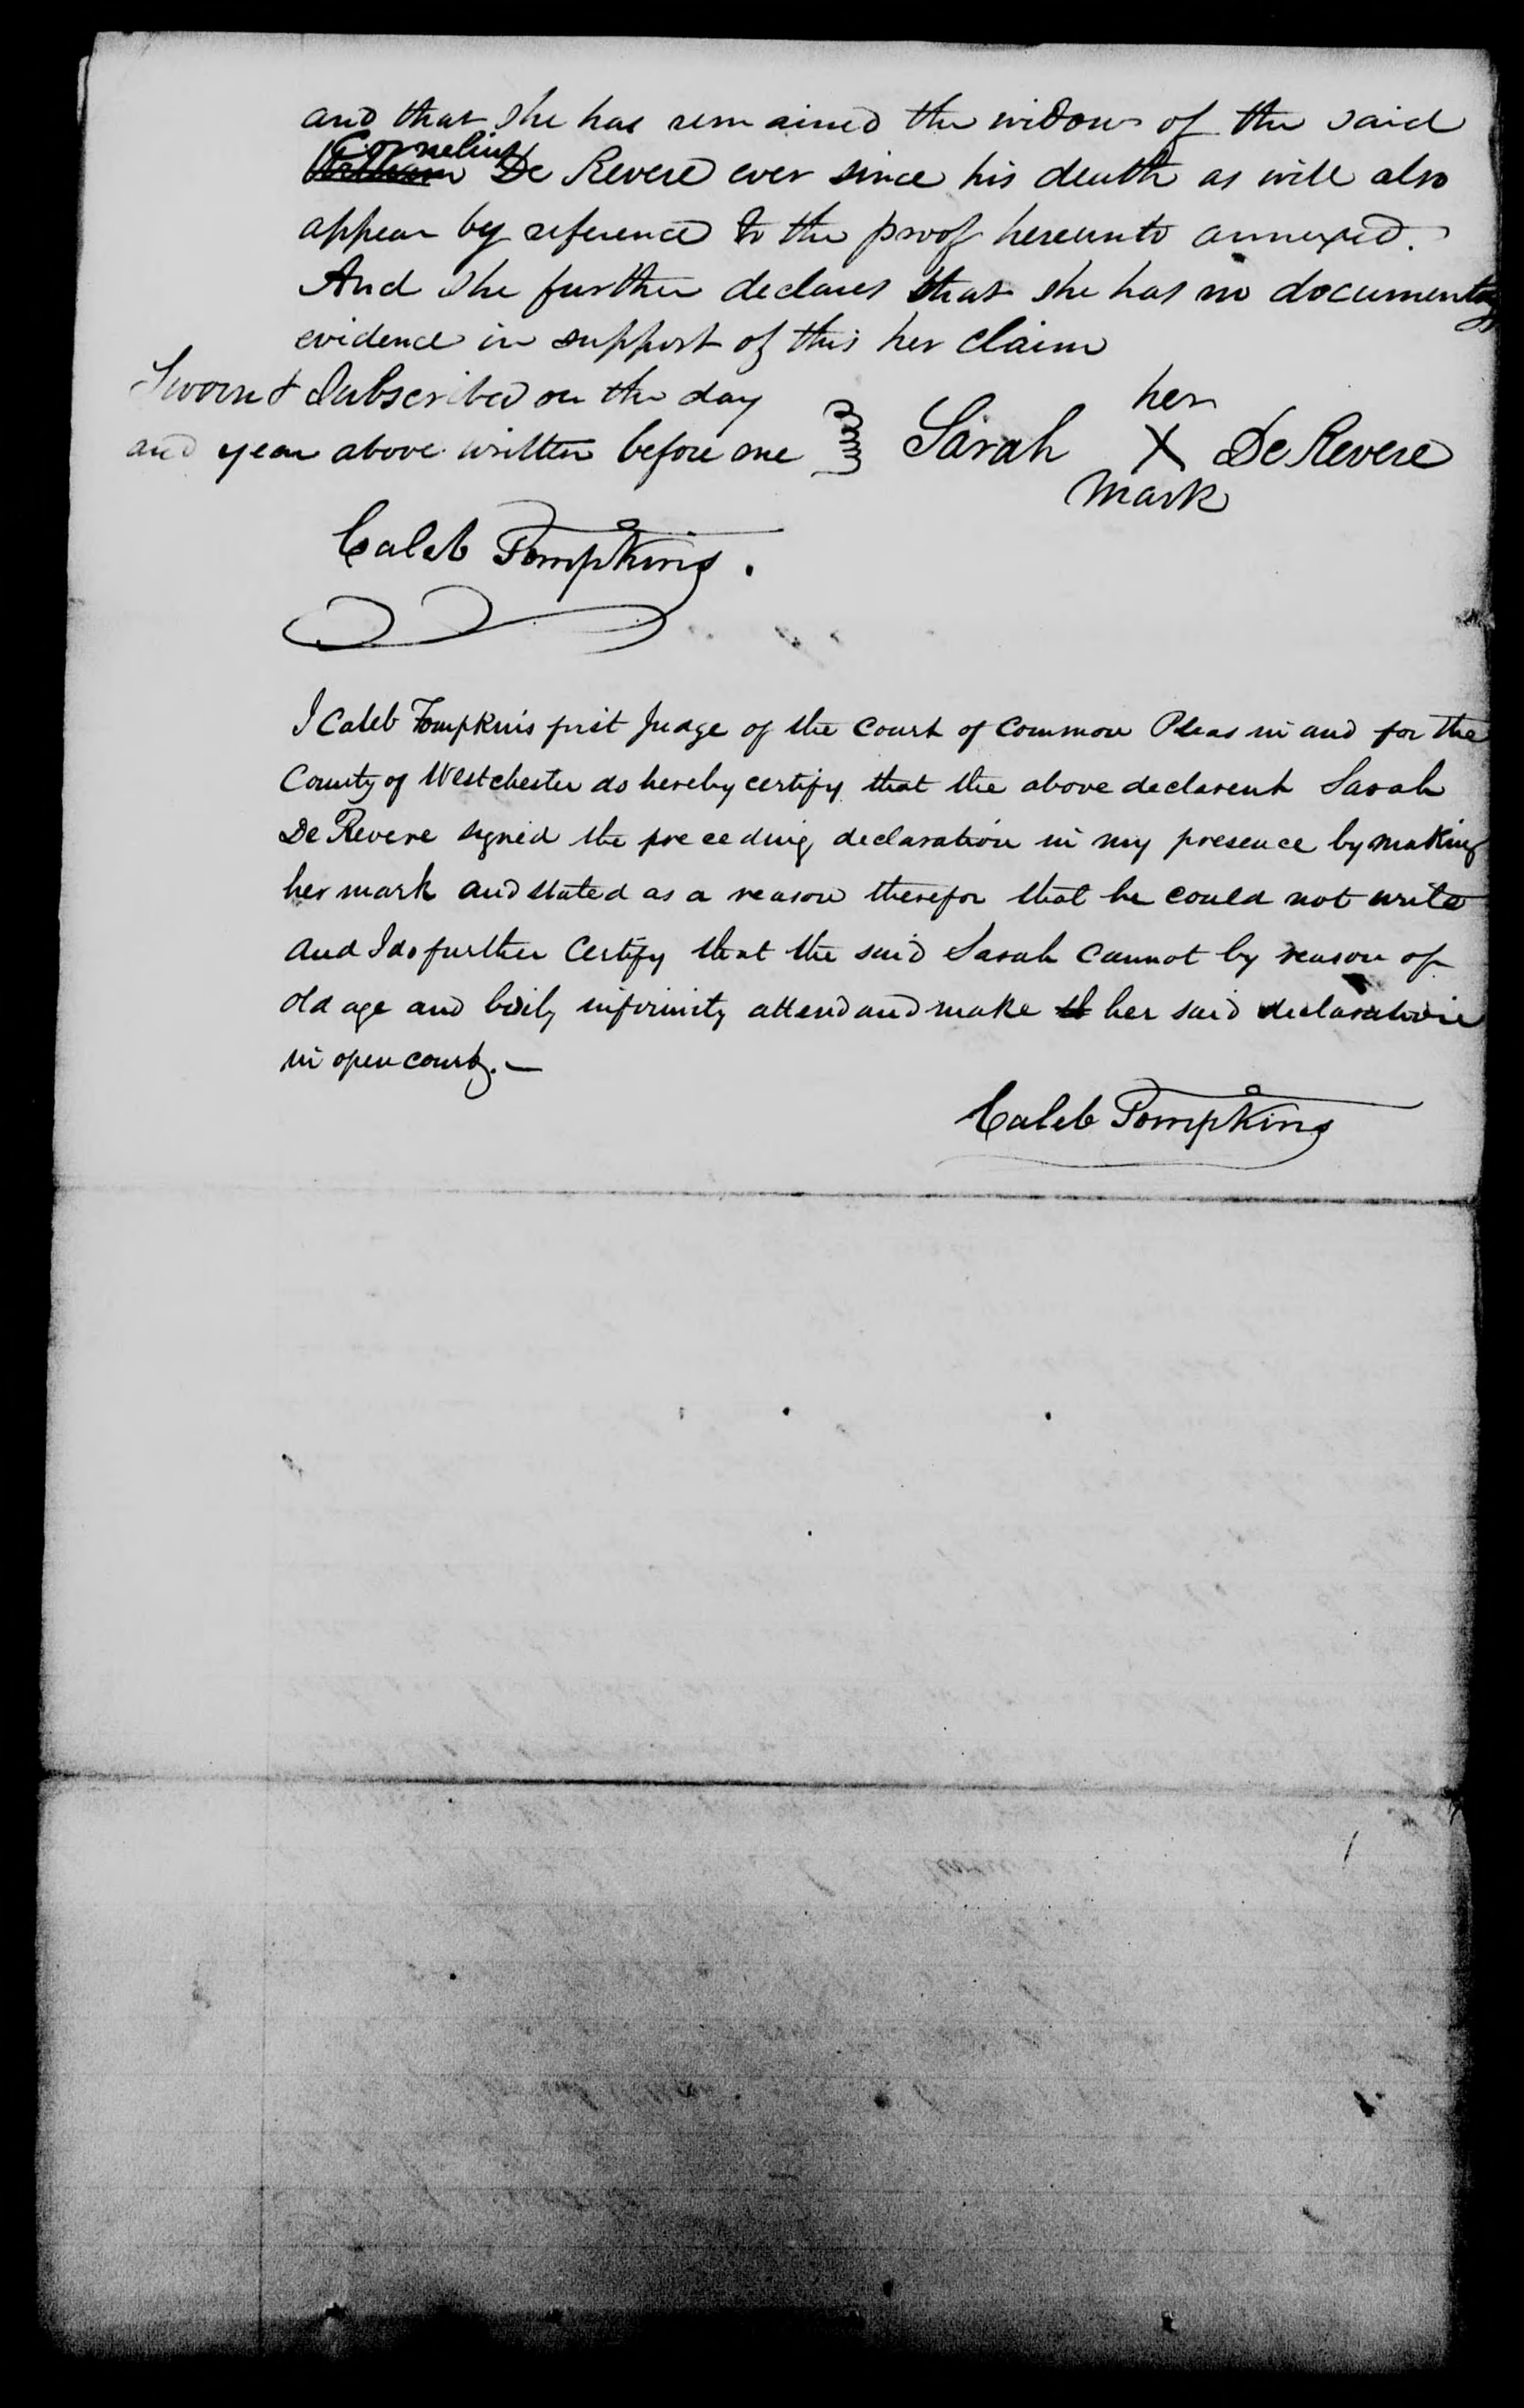and that she has remained the widow of the said Cornelius DeRevere ever since his death as will also appear by reference to the proof hereunto annexed.

And she further declares that she has no documentary evidence in support of this her claim

Sworn & Subscribed on the day
and year above written before me ⎬ 
Caleb Tompkins

Sarah DeRevere 
her X mark

I Caleb Tompkins first Judge of the Court of Common Pleas in and for the County of Westchester do hereby certify that the above declarant Sarah DeRevere signed the preceding declaration in my presence by making her mark and stated as a reason therefore that he could not write

And I do further certify that the said Sarah cannot by reason of old age and bodily infirmity attend and make her said declaration in open court.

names: Sarah De Revere, Cornelius De Revere, Sarah, Caleb Tompkins, Sarah De Revere, Caleb Tompkins, Caleb Tompkins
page: 5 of 40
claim: widow's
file: W. 24057, Cornelius De Revere, New York